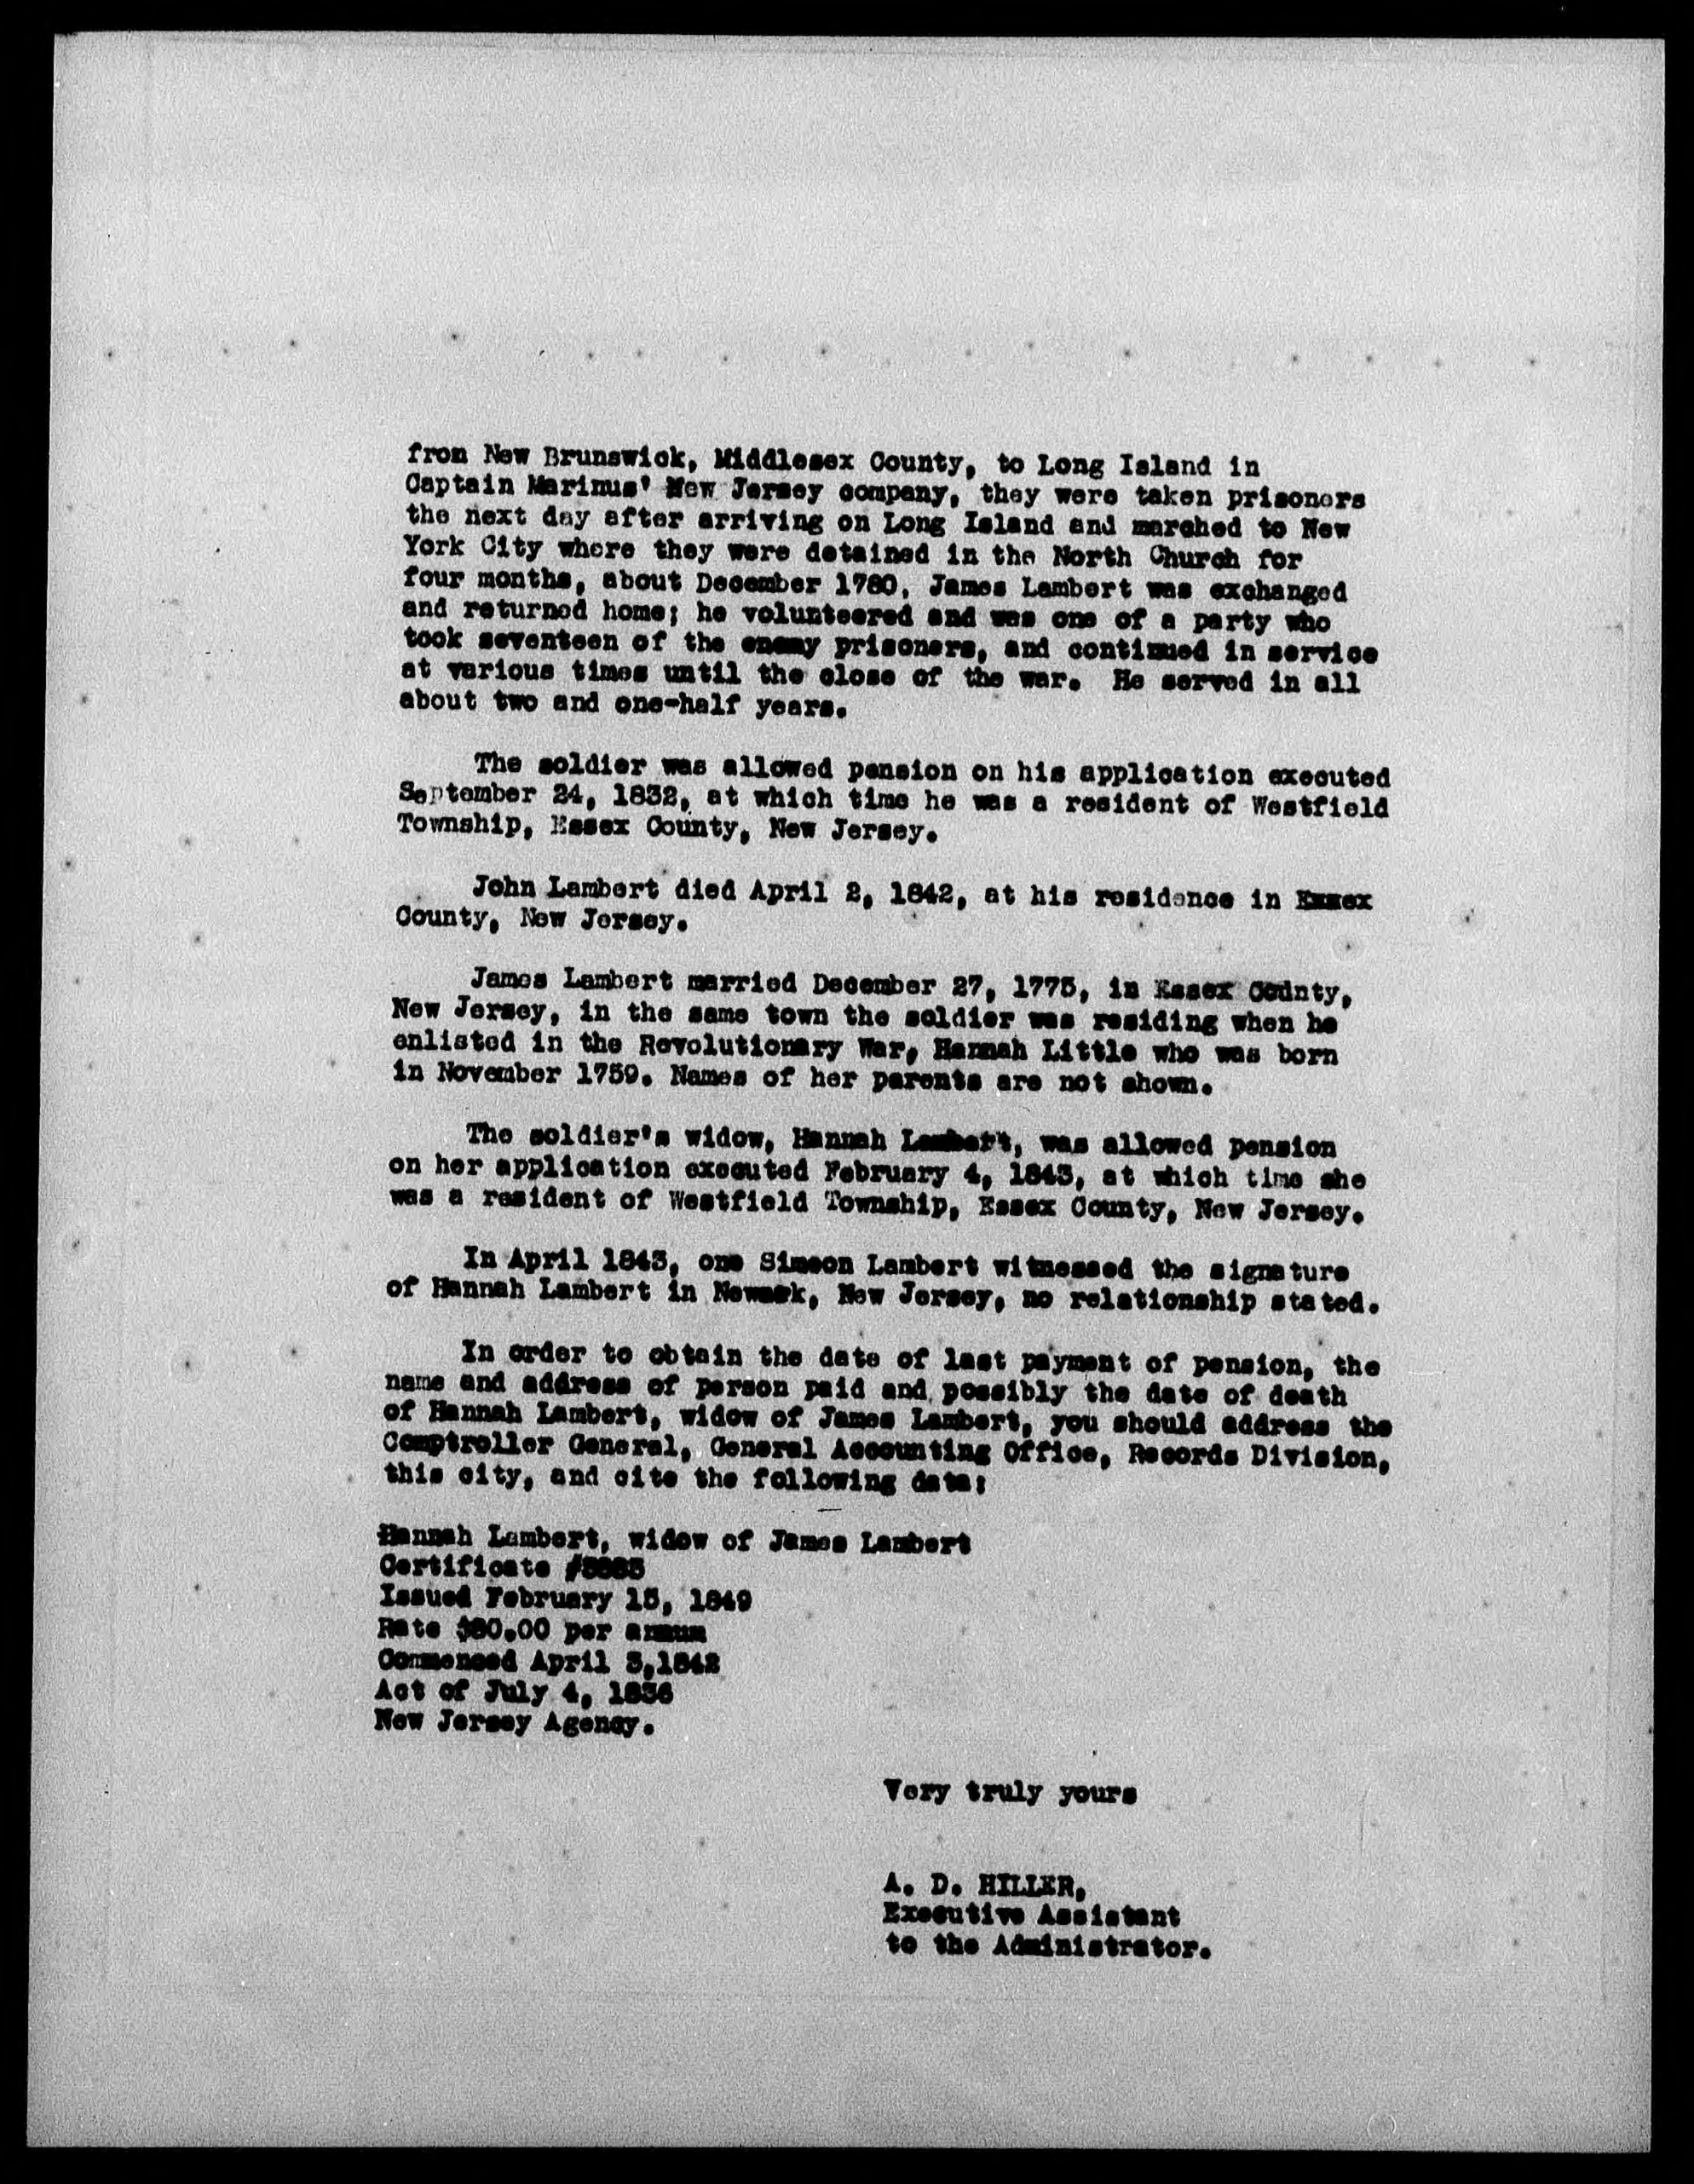from New Brunswick, Middlesex County, to Long Island in Captain Marinus' New Jersey Company, they were taken prisoners the next day after arriving on Long Island and marched to New York City where they were detained in the North Church for four months, about December 1780, James Lambert was exchanged and returned home, he volunteered and was one of a party who took seventeen of the enemy prisoners, and continued in service
at various times until the close of the war. He served in all about two and one-half years.
The soldier was allowed pension on his application executed September 24, 1832, at which time he was a resident of Westfield
Township, Essex County, New Jersey.
John Lambert died April 2, 1842, at his residence in Essex County, New Jersey.
James Lambert married December 27, 1773, in Essex county, New Jersey, in the same town the soldier was residing when he enlisted in the Revolutionary War, Hannah Little who was born
in November 1759. Names of her parents are not shown.
The soldier's widow, Hannah Lambert, was allowed pension on her application executed February 4, 1843, at which time she was a resident of Westfield Township, Essex County, New Jersey
In April 1843, one Simeon Lambert witnessed the signature of Hannah Lambert in Newark, New Jersey, no relationship stated.
In order to obtain the date of last payment of pension, the name and address of person paid and possibly the date of death of Hannah Lambert, widow of James Lambert, you should address the Comptroller General, General Accounting Office, Records Division, this city, and cite the following data:

Hannah Lambert, widow of James Lambert
Certificate # [illegible]
Issued February 15, 1849
Rate $80.00 per annum
Commenced April 5, 1842.
Act of July 4, 1836
New Jersey Agency

Very truly yours
A. D. HILLER
Executive Assistant to the Administrator.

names: Hannah Lambert; Simson Lambert; A D Hiller; John Lambert; James Lambert; Hannah Little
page: 22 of 49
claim: widow's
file: W. 859, for James Lambert, New Jersey